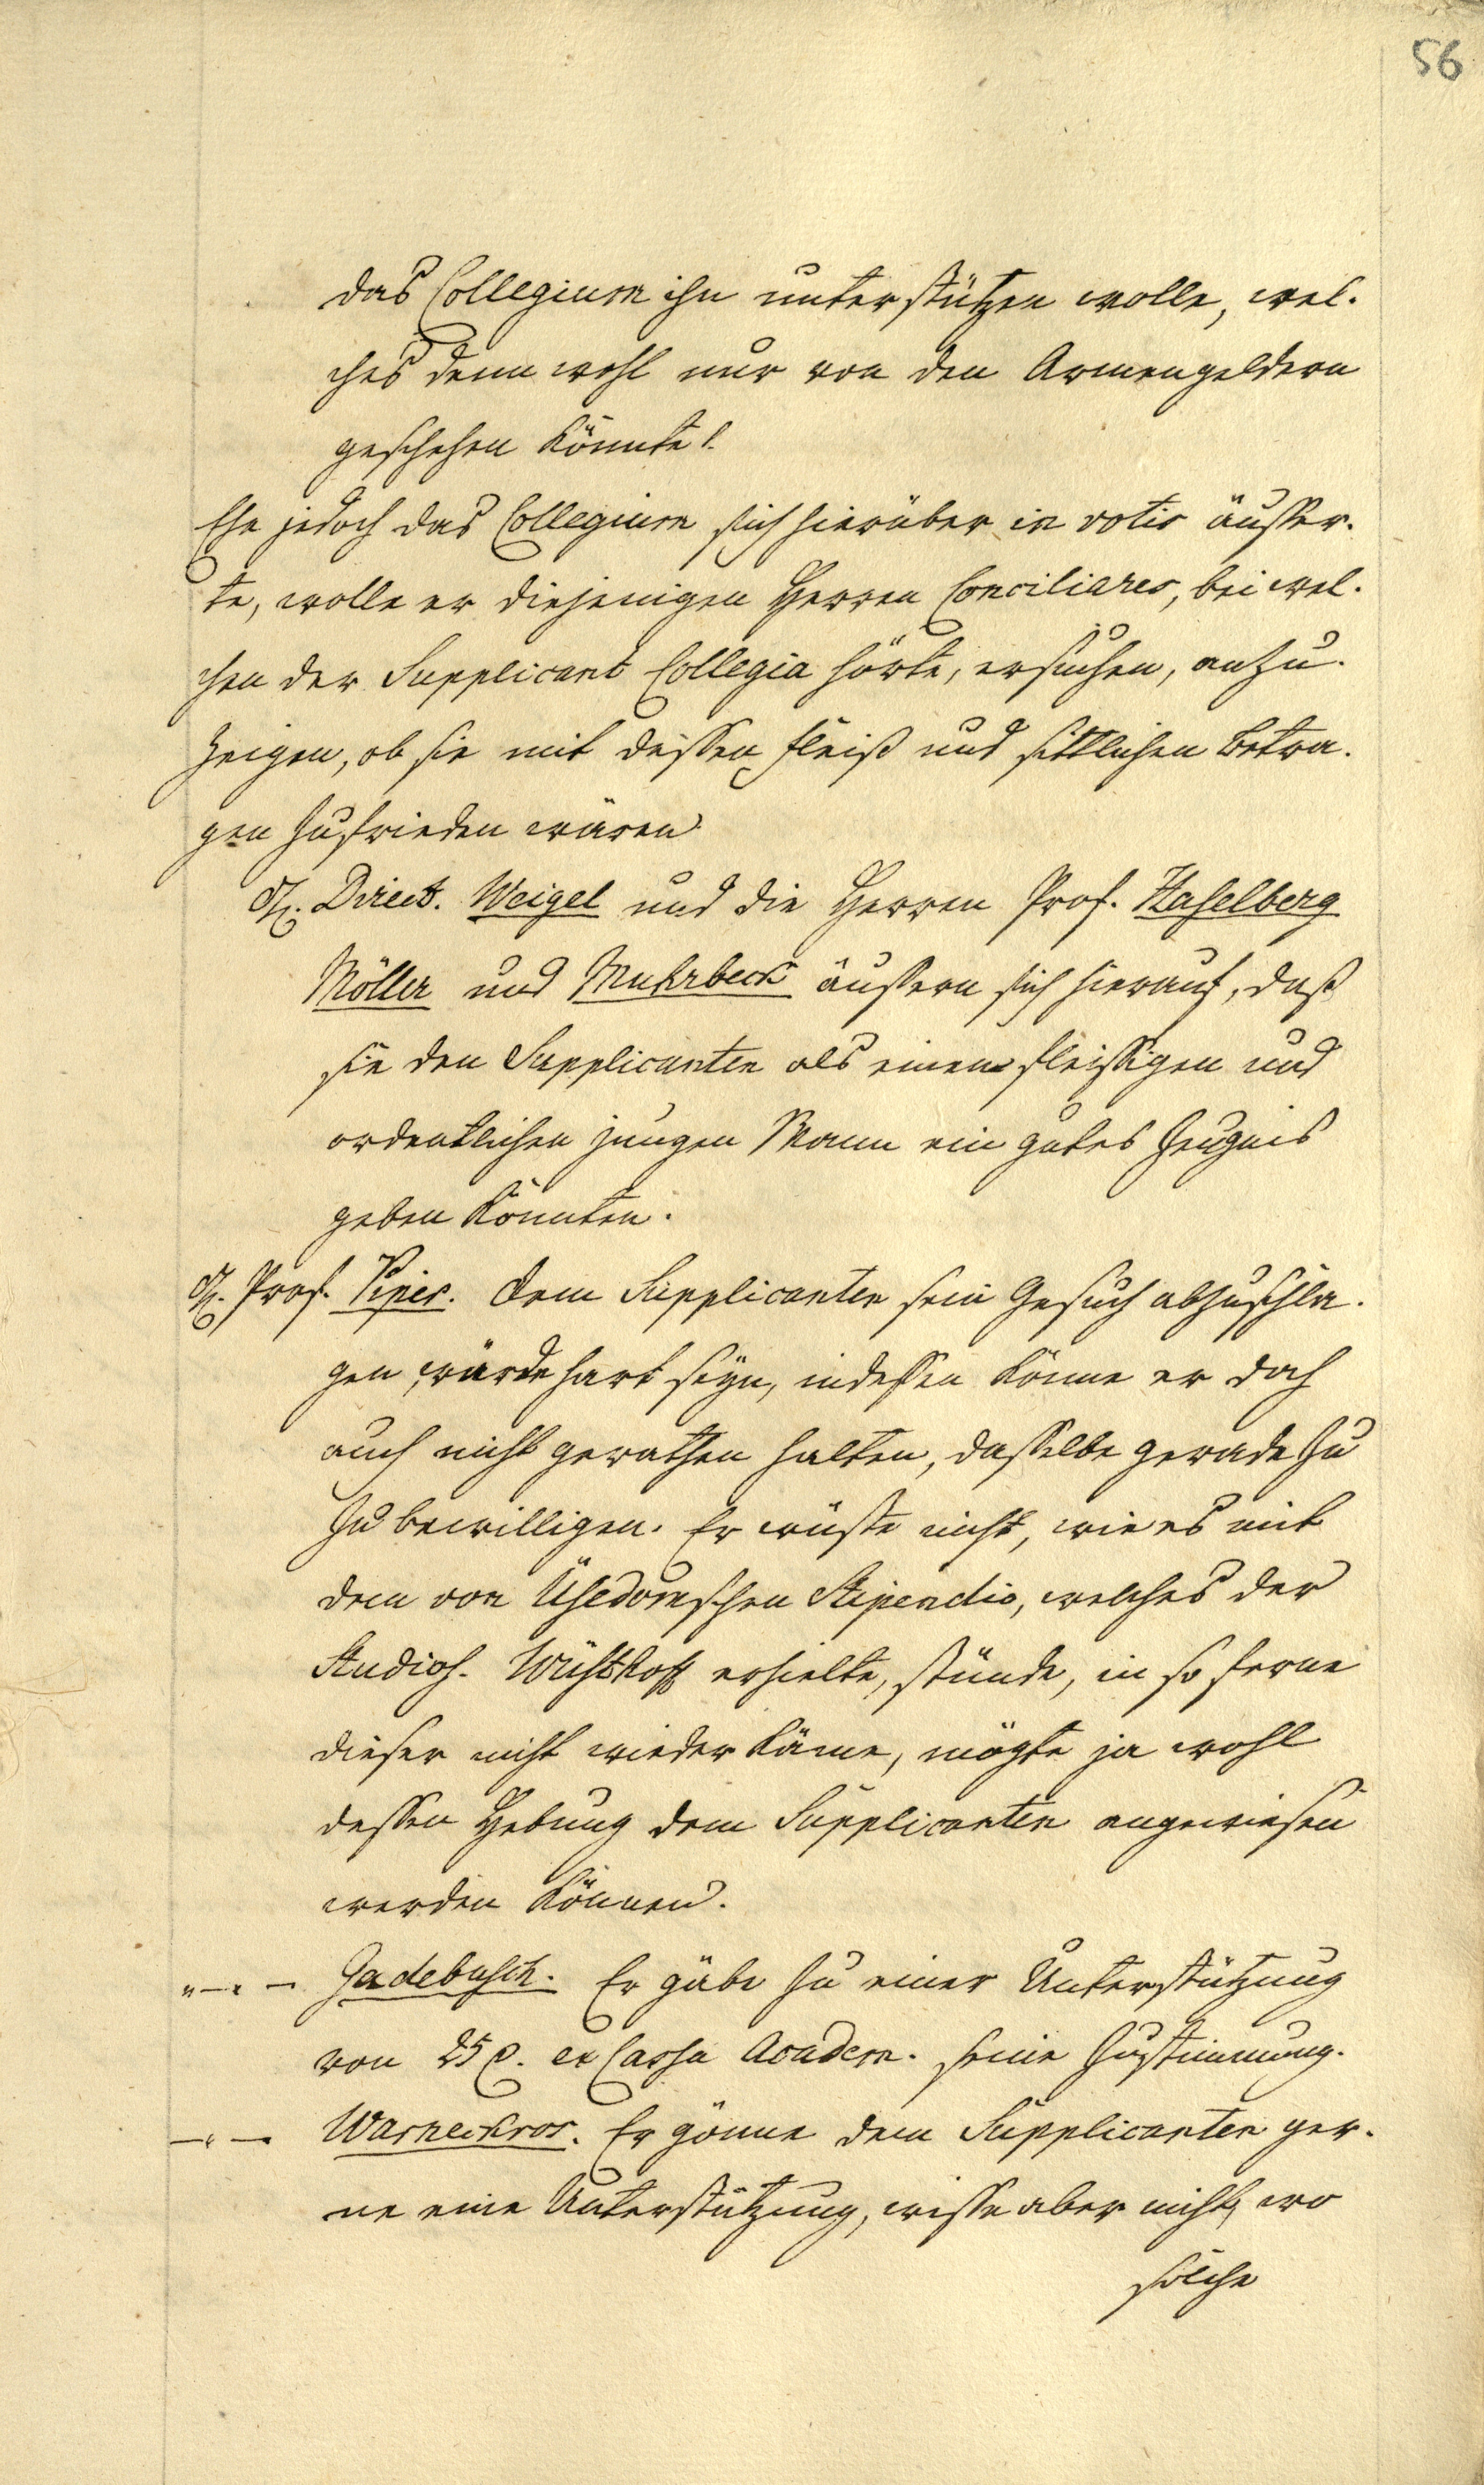das Collegium ihn unterstützen wolle , wes
ches denn wohl nur von den Armen gelesen
geschehen könnte
Ehe jedoch das Collegium sich hierüber in voto äusser
te , wolle er diejenigen Herren Conciliares bei wel
chen der Supplicant Collegia hat , ersuchen , wozu
zeigen , ob sie mit dessen Fleiß und sittlichen Betra
gen zufrieden wären
dh . Direct . Weigel und die Herren Prof . Haselberg
Möller und Gechick äussern sich hierauf das
sie den Supplicanten als einen fleissigen und
ordentlichen jungen Mann ein halbes Zeugnis
geben koennten .
dh Prof schul Den Supplicanten sein Gesuch abzustellen
gen würde hart seyn , indessen könne er doch
auch nicht gerathen halten , dasselbe gerade zu
zu bewilligen sr wüste nicht , wie es nimt
denn von Schwedischen Stipendia , welches der
Studios Wohlthat erhielte , stünde , in so ferne
dieser nicht wieder könne , mögte ha wohl
dessen Hebung den Supplicanten angewiesen
werden können
'"' - sollte Er gäbe zu einer d.h .
von der C . er Crohn Academ seine Zustimmung
- Welche Er gerne denn Supplicanten gar
me eine Unterstützung , wisse aber nicht wo
auch